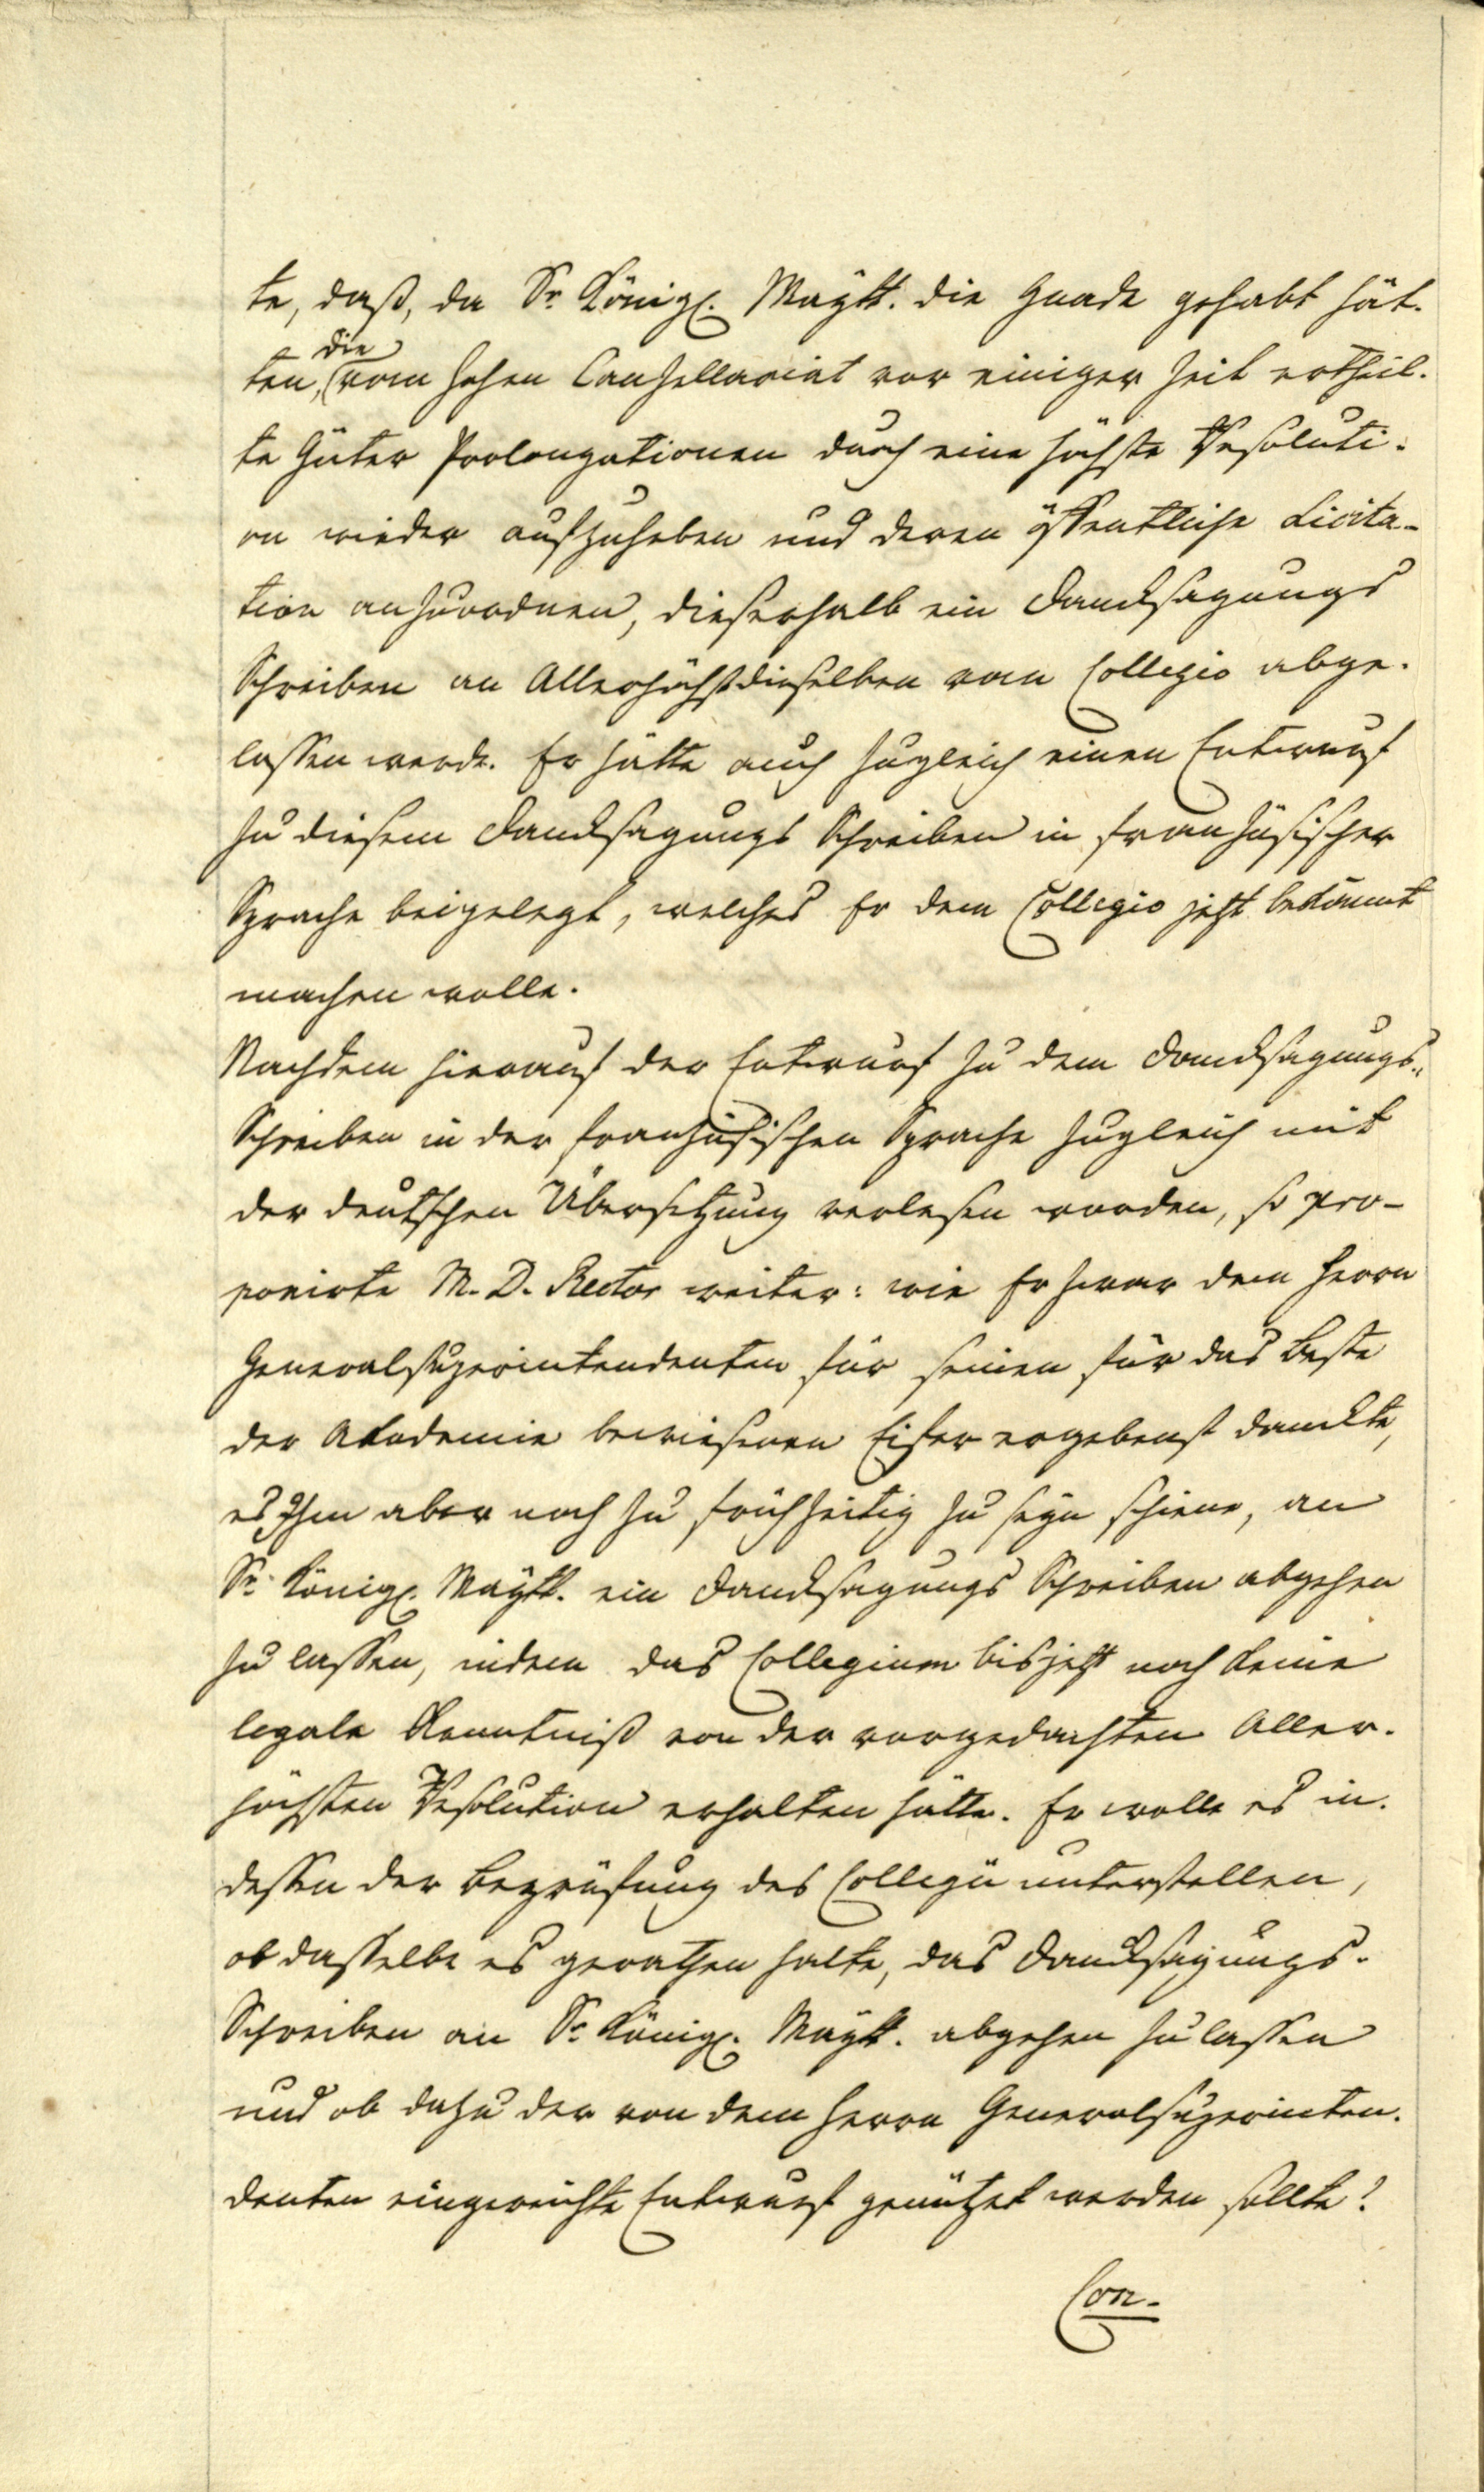te, daß, da Sr Königl. Maÿtt. die Gnade gehabt hät¬
ten, die vom hohen Canzellariat vor einiger Zeit ertheil¬
te Güter Prolongationen durch eine höchste Resoluti¬
on wieder aufzuheben und deren öffentliche Licita¬
tion anzuordnen, dieserhalb ein Dancksagungs
Schreiben an Allerhöchstdieselben vom Collegio abge¬
lassen werde. Er hätte auch zugleich einen Entwurf
zu diesem Dancksagungs Schreiben in französischer
Sprache beigelegt, welches Er dem Collegio jetzt bekannt
machen wolle.
Nachdem hierauf der Entwurf zu dem Dancksagungs¬
Schreiben in der französischen Sprache zugleich mit
der deutschen Übersetzung verlesen worden, so pro¬
ponirte M. D. Rector weiter: wie Er zwar dem Herrn
Generalstuperintendenten für seinen für das Beste
der Akademie bewiesenen Eifer ergebenst danckte,
es Ihm aber noch zu frühzeitig zu seÿn schiene, an
Sr. Königl. Maÿtt. ein Dancksagungs Schreiben abgehen
zu lassen, indem das Collegium bis jetzt noch keine
legale Kenntniß von der vorgedachten Aller-
höchsten Resolution erhalten hätte. Er wolle es in¬
dessen der Beprüfung des Collegii unterstellen,
ob dasselbe es gerathen halte, das Dancksagungs¬
Schreiben an Sr Königl. Maÿtt. abgehen zu lassen
und ob dazu der von dem Herrn Generalsuperinten¬
denten eingereichte Entwurf genützet werden sollte?
Con.